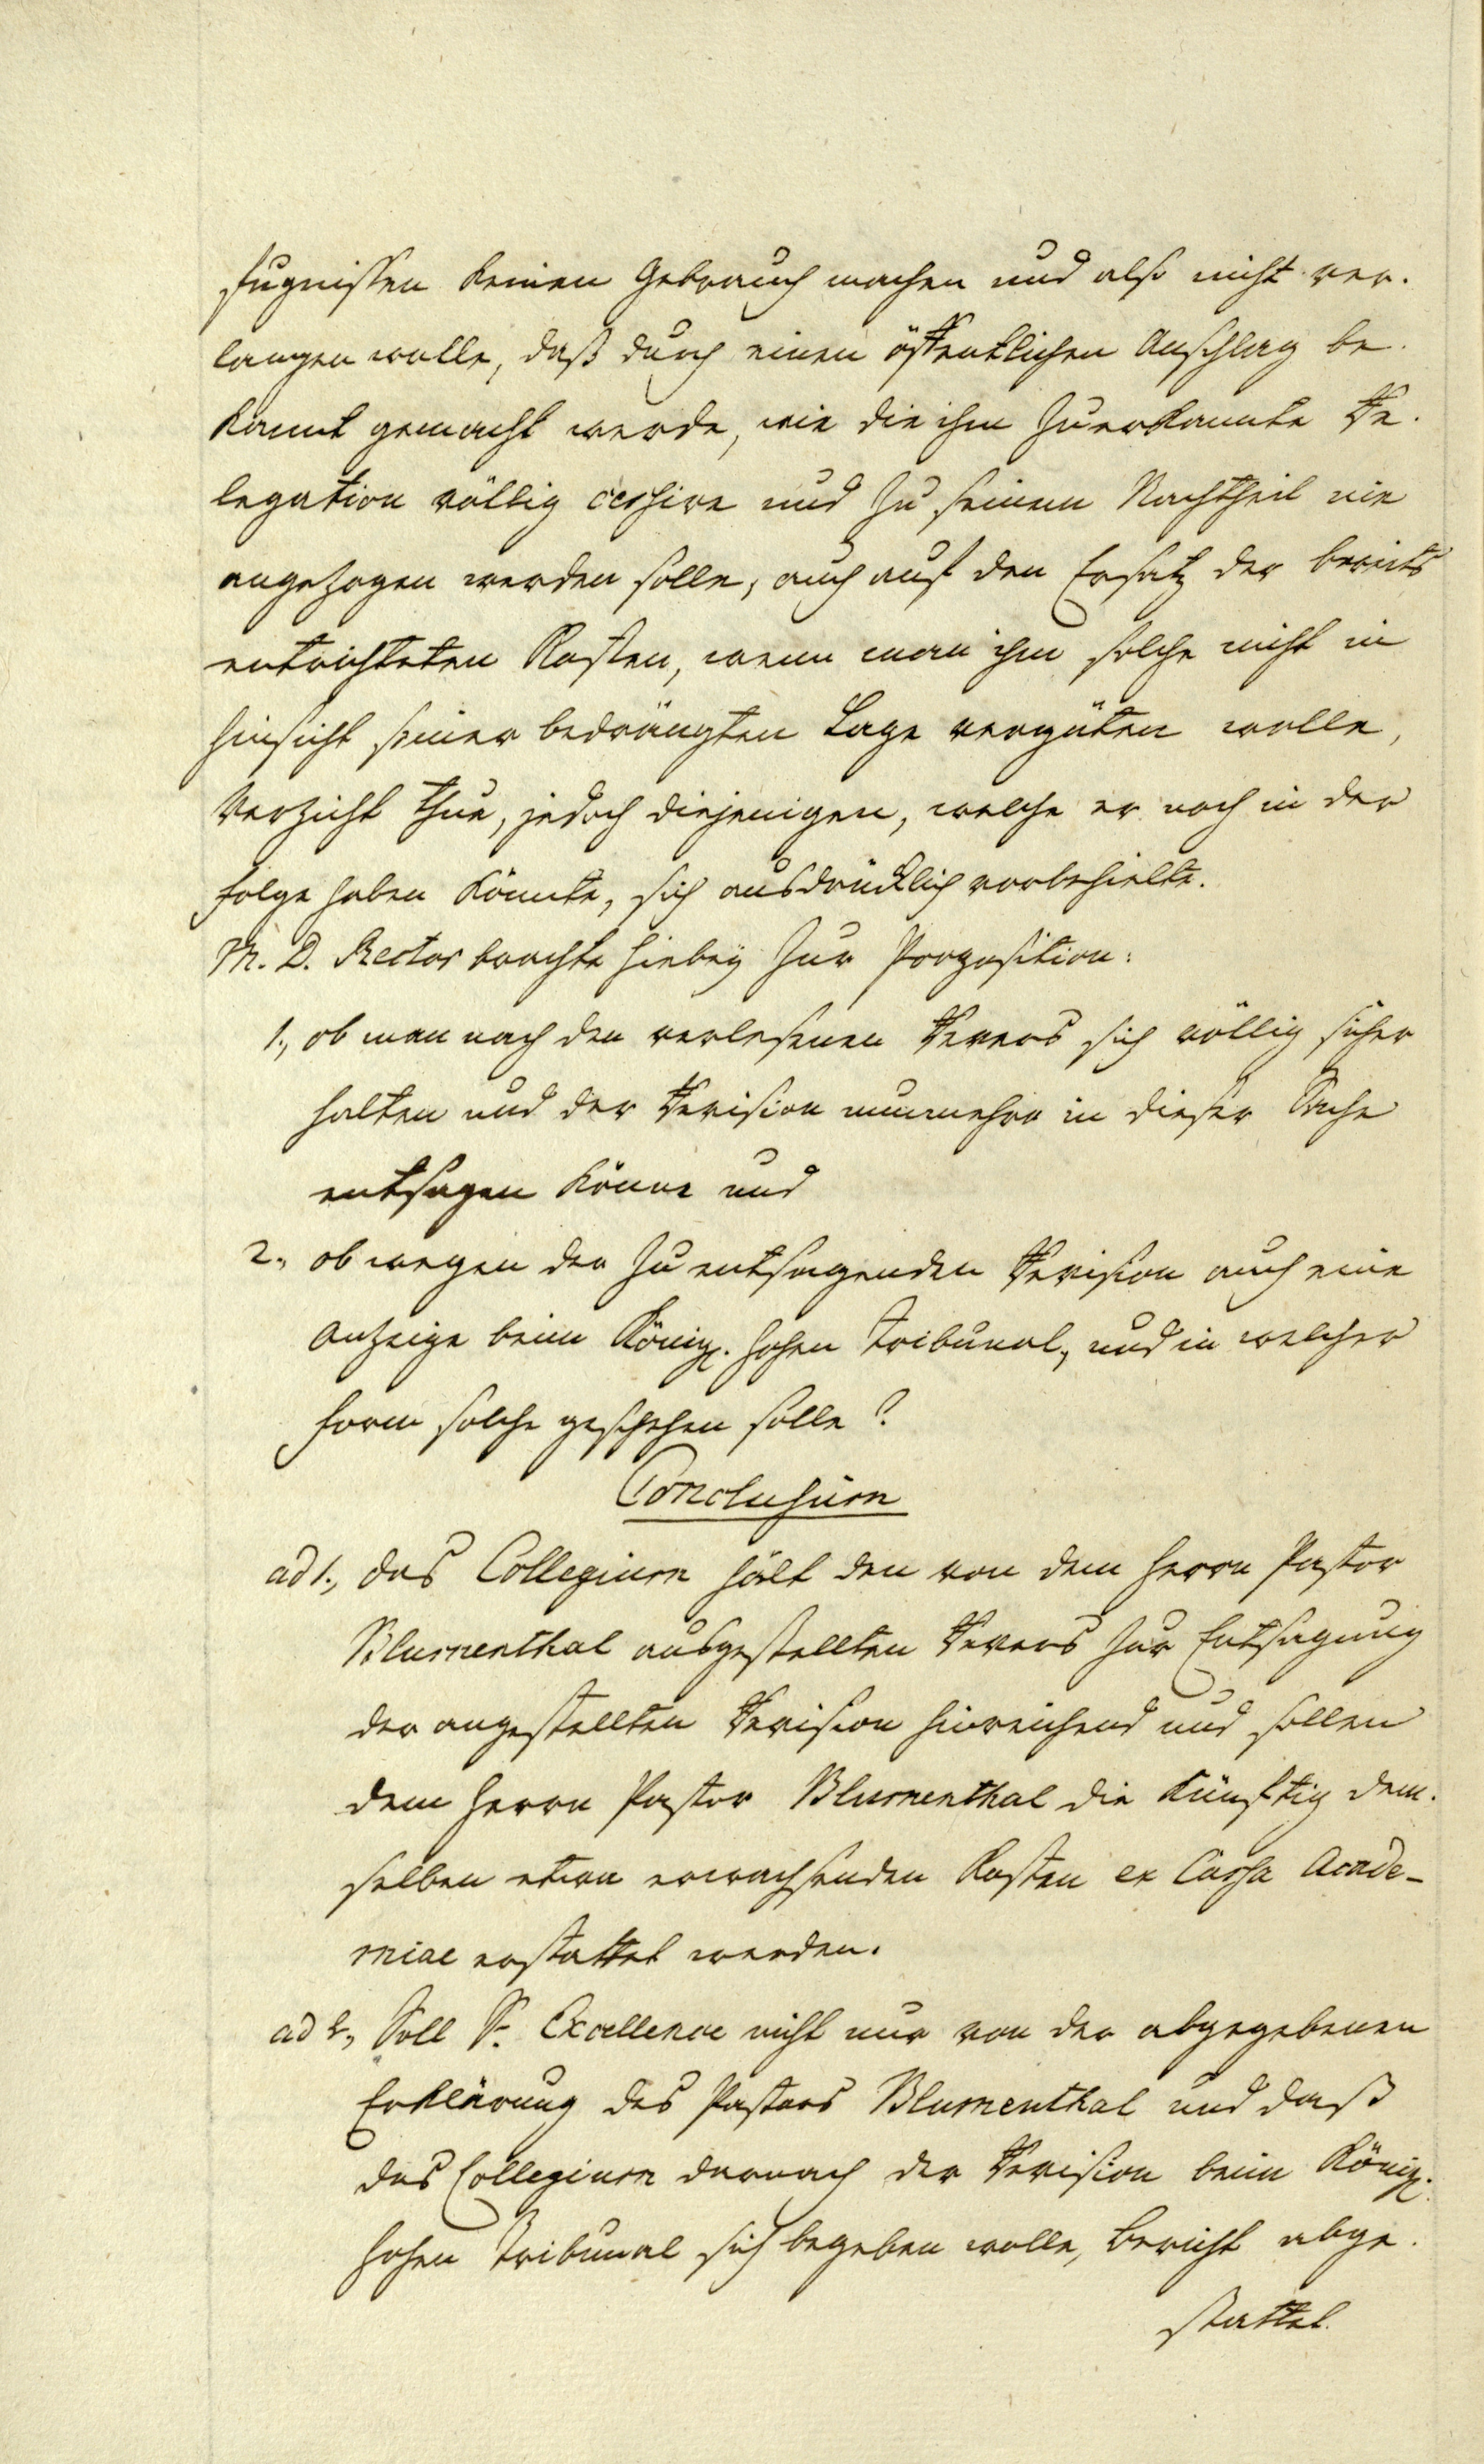fugnissen keinen Gebrauch machen und also nicht ver¬
langen wolle, daß durch einen öffentlichen Anschlag be¬
kannt gemacht werde, wie die ihm zuerkannte Re¬
legation völlig cessire und zu seinem Nachtheil nie
angezogen werden solle, auch auf den Ersatz der bereits
entrichteten Kosten, wenn man ihm solche nicht in
hinsicht seiner bedrängten Lage vergüten wolle,
Verzicht thun, jedoch diejenigen, welche er noch in der
Folge haben könnte, sich ausdrücklich vorbehielte.
M. D. Rector brachte hiebeÿ zur Proposition:
1., ob man nach den verlesenen Revers sich völlig sicher
halten und der Revision nunmehro in dieser Sache
entsagen könne und
2., ob wegen der zu entsagenden Revision auch eine
Anzeige beim Königl. hohen Tribunal, und in welcher
Form solche geschehen solle!
Conclusum
ad 1., Das Collegium hält den von dem herrn Pastor
Blumenthal ausgestellten Revers zur Entsagung
der angestellten Revision hinreichend und sollen
dem herrn Pastor Blumenthal die künftig dem¬
selben etwa erwachsenden Kosten ex Cassa Acade¬
miae erstattet werden.
ad 2., Soll Sr. Excellence nicht nur von der abgegebenen
Erklärung des Pastors Blumenthal und daß
das Collegium darnach der Revision beim Königl.
hohen Tribunal sich begeben wolle, Bericht abge¬
stattet.